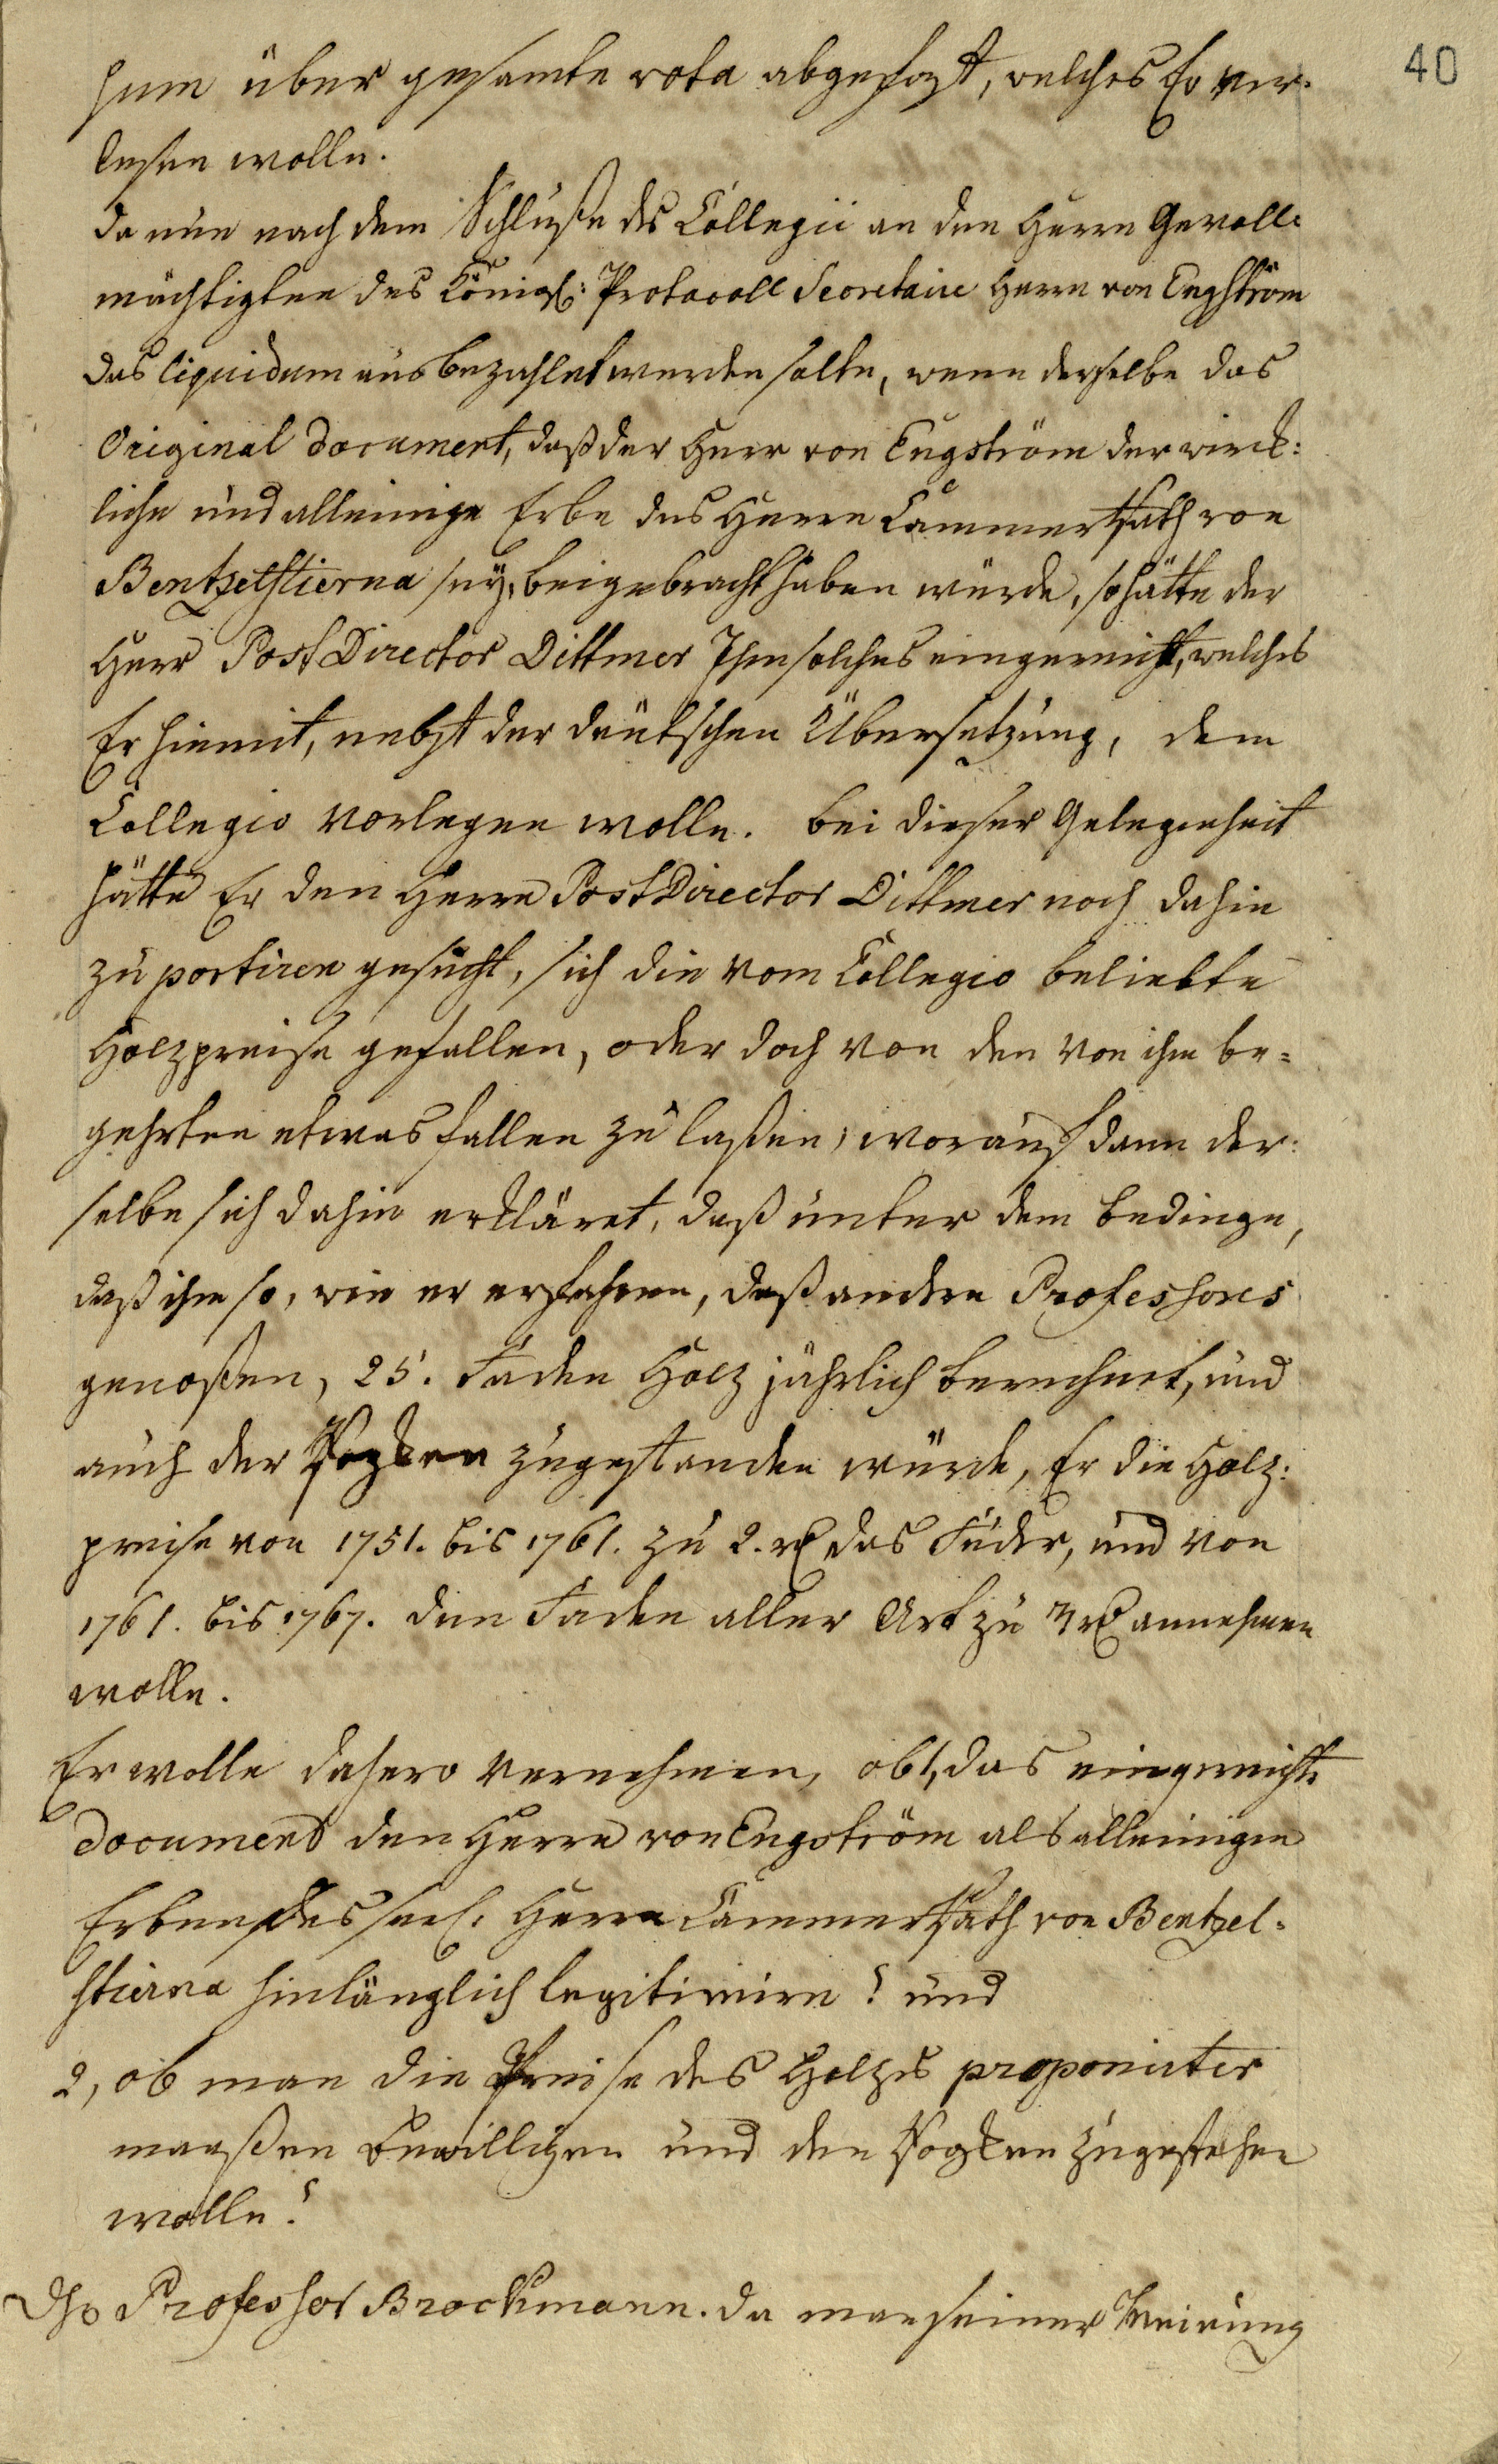sum über gesamte vota abgefast, welches Er ver¬
lesen wolle.
Da nun nach dem Schluße des Collegii an den Herrn Gevoll¬
mächtigten des Königl. Protocoll Secretaire Herrn von Engström
das liquidum ausbezahlet werden solte, wenn derselbe das
Original document, daß der Herr von Engström der wirk¬
liche und alleinige Erbe des Herrn CammerRath von
Bentzelstierna seÿ, beigebracht haben würde, so hätte der
Herr PostDirector Dittmer Ihm solches eingereicht, welches
Er hiemit, nebst der deutschen Übersetzung, dem
Collegio vorlegen wolle. Bei dieser Gelegenheit
hätte Er den Herrn PostDirector Dittmer noch dahin
zu portiren gesucht, sich die vom Collegio beliebte
Holzpreise gefallen, oder doch von den von ihm be¬
gehrten etwas fallen zu lassen, worauf dann der¬
selbe sich dahin erkläret, daß unter dem Bedinge,
daß ihm so, wie er erfahren, daß andere Professores
genoßen, 25. Faden Holz jährlich berechnet, und
auch der Rogken zugestanden würde, Er die Holz¬
preis von 1751. bis 1761. zu 2. rt das Fuder, und von
1761. bis 1767. den Faden aller Art zu 3rt annehmen
wolle.
Er wolle dahero vernehmen, ob 1, das eingereichte
document den Herrn von Engström als alleinigen
Erben des seel. Herrn CammerRath von Bentzel¬
stierna hinlänglich legitimire? und
2, ob man die Preise des Holzes proponirter
maaßen bewilligen und den Rogken zugestehen
wolle?
dh Professor Brockmann. Da man seiner Meinung